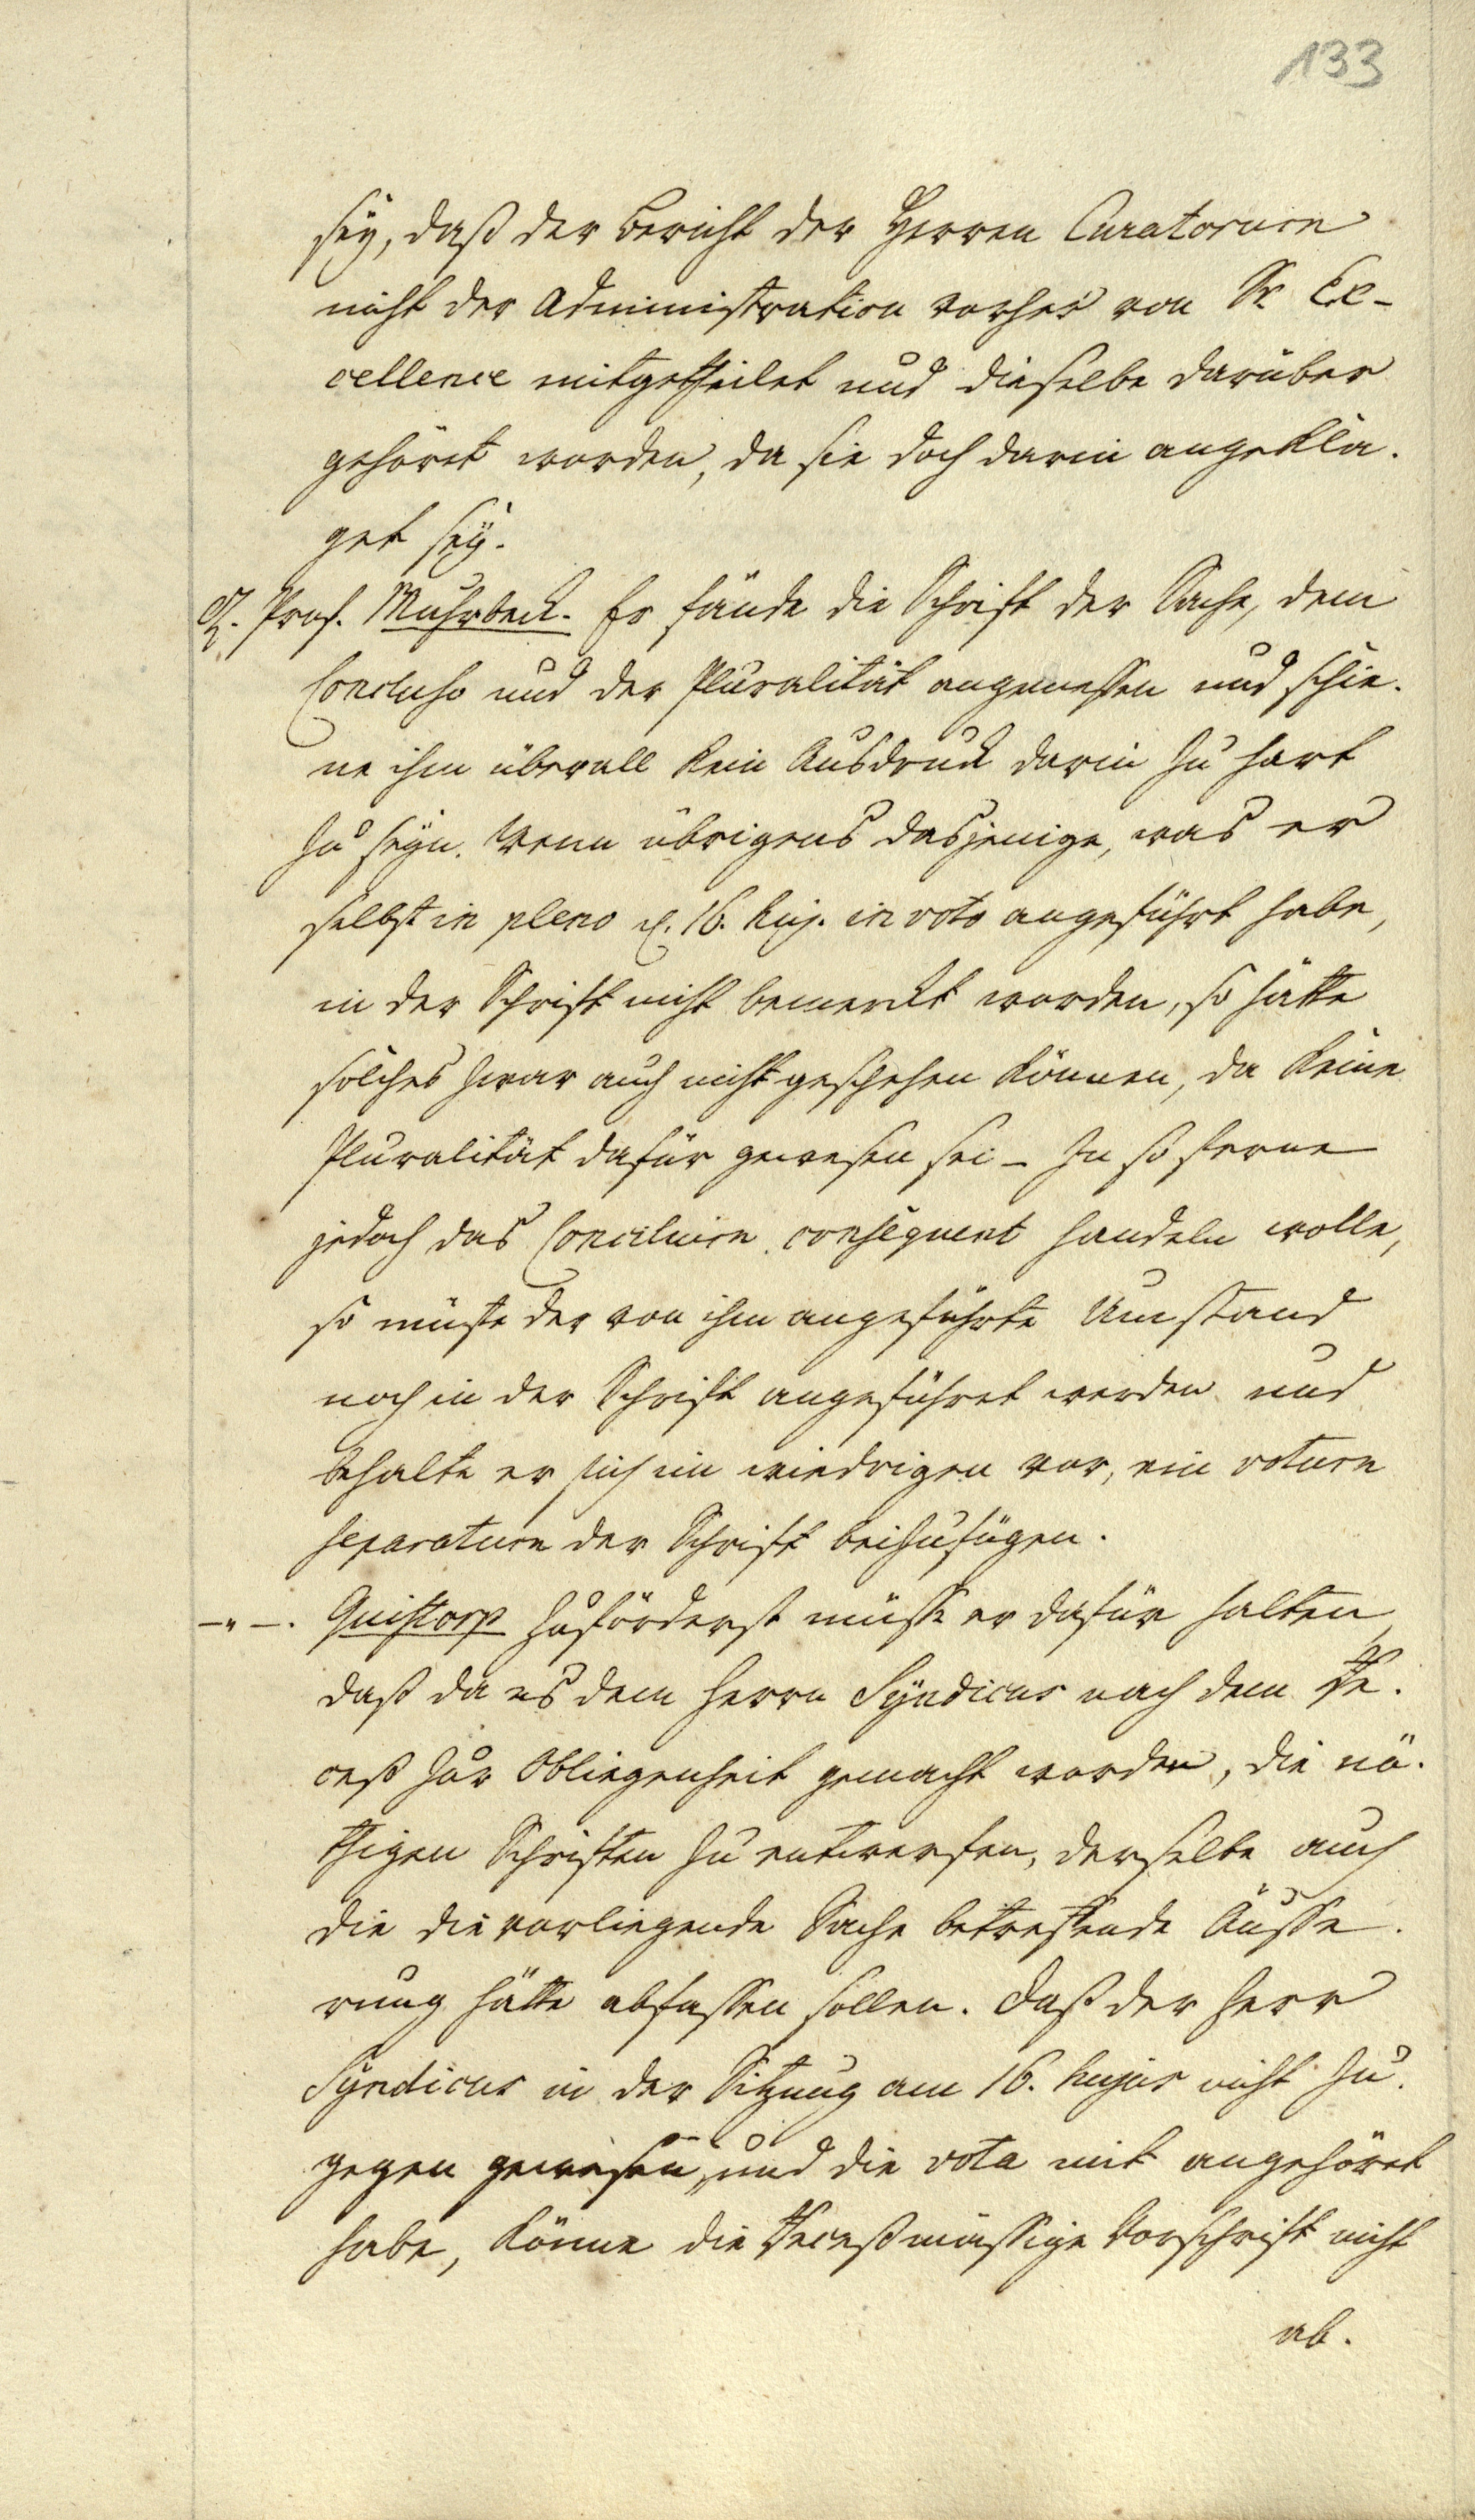seÿ, daß der Bericht der Herren Curatorum
nicht der Administration vorher von Sr Ex¬
cellence mitgetheilet und dieselbe darüber
gehöret worden, da sie doch darin angekla¬
get seÿ.
dh. Prof. Muhrbeck. Er fände die Schrift der Sache, dem
Concluso und der Pluralität angemessen und schie¬
ne ihm überall kein Ausdruck darin zu hart
zu seÿn. Wenn übrigens dasjenige, was er
selbst in pleno d. 16. huj. in voto angeführt habe,
in der Schrift nicht bemerckt worden, so hätte
solches zwar auch nicht geschehen können, da keine
Pluralität dafür gewesen sei In so ferne
jedoch das Concilium consequent handeln wolle,
so müßte der von ihm angeführte Umstand
noch in der Schrift angeführet werden und
behalte er sich im wiedrigen vor, ein votum
separatum der Schrift beizufügen.
Quistorp zuförderst müsse er dafür halten,
daß da es dem Herrn Sÿndicus nach dem Re¬
ceß zur Obliegenheit gemacht worden, die nö¬
thigen Schriften zu entwerfen, derselbe auch
die die vorliegende Sache betreffenden Äusse¬
rung hätte abfassen sollen. Daß der Herr
Sÿndicus in der Sitzung am 16. hujus nicht zu
gegen gewesen und die vota mit angehöret
habe, könne die Receßmässige Vorschrift nicht
ab¬